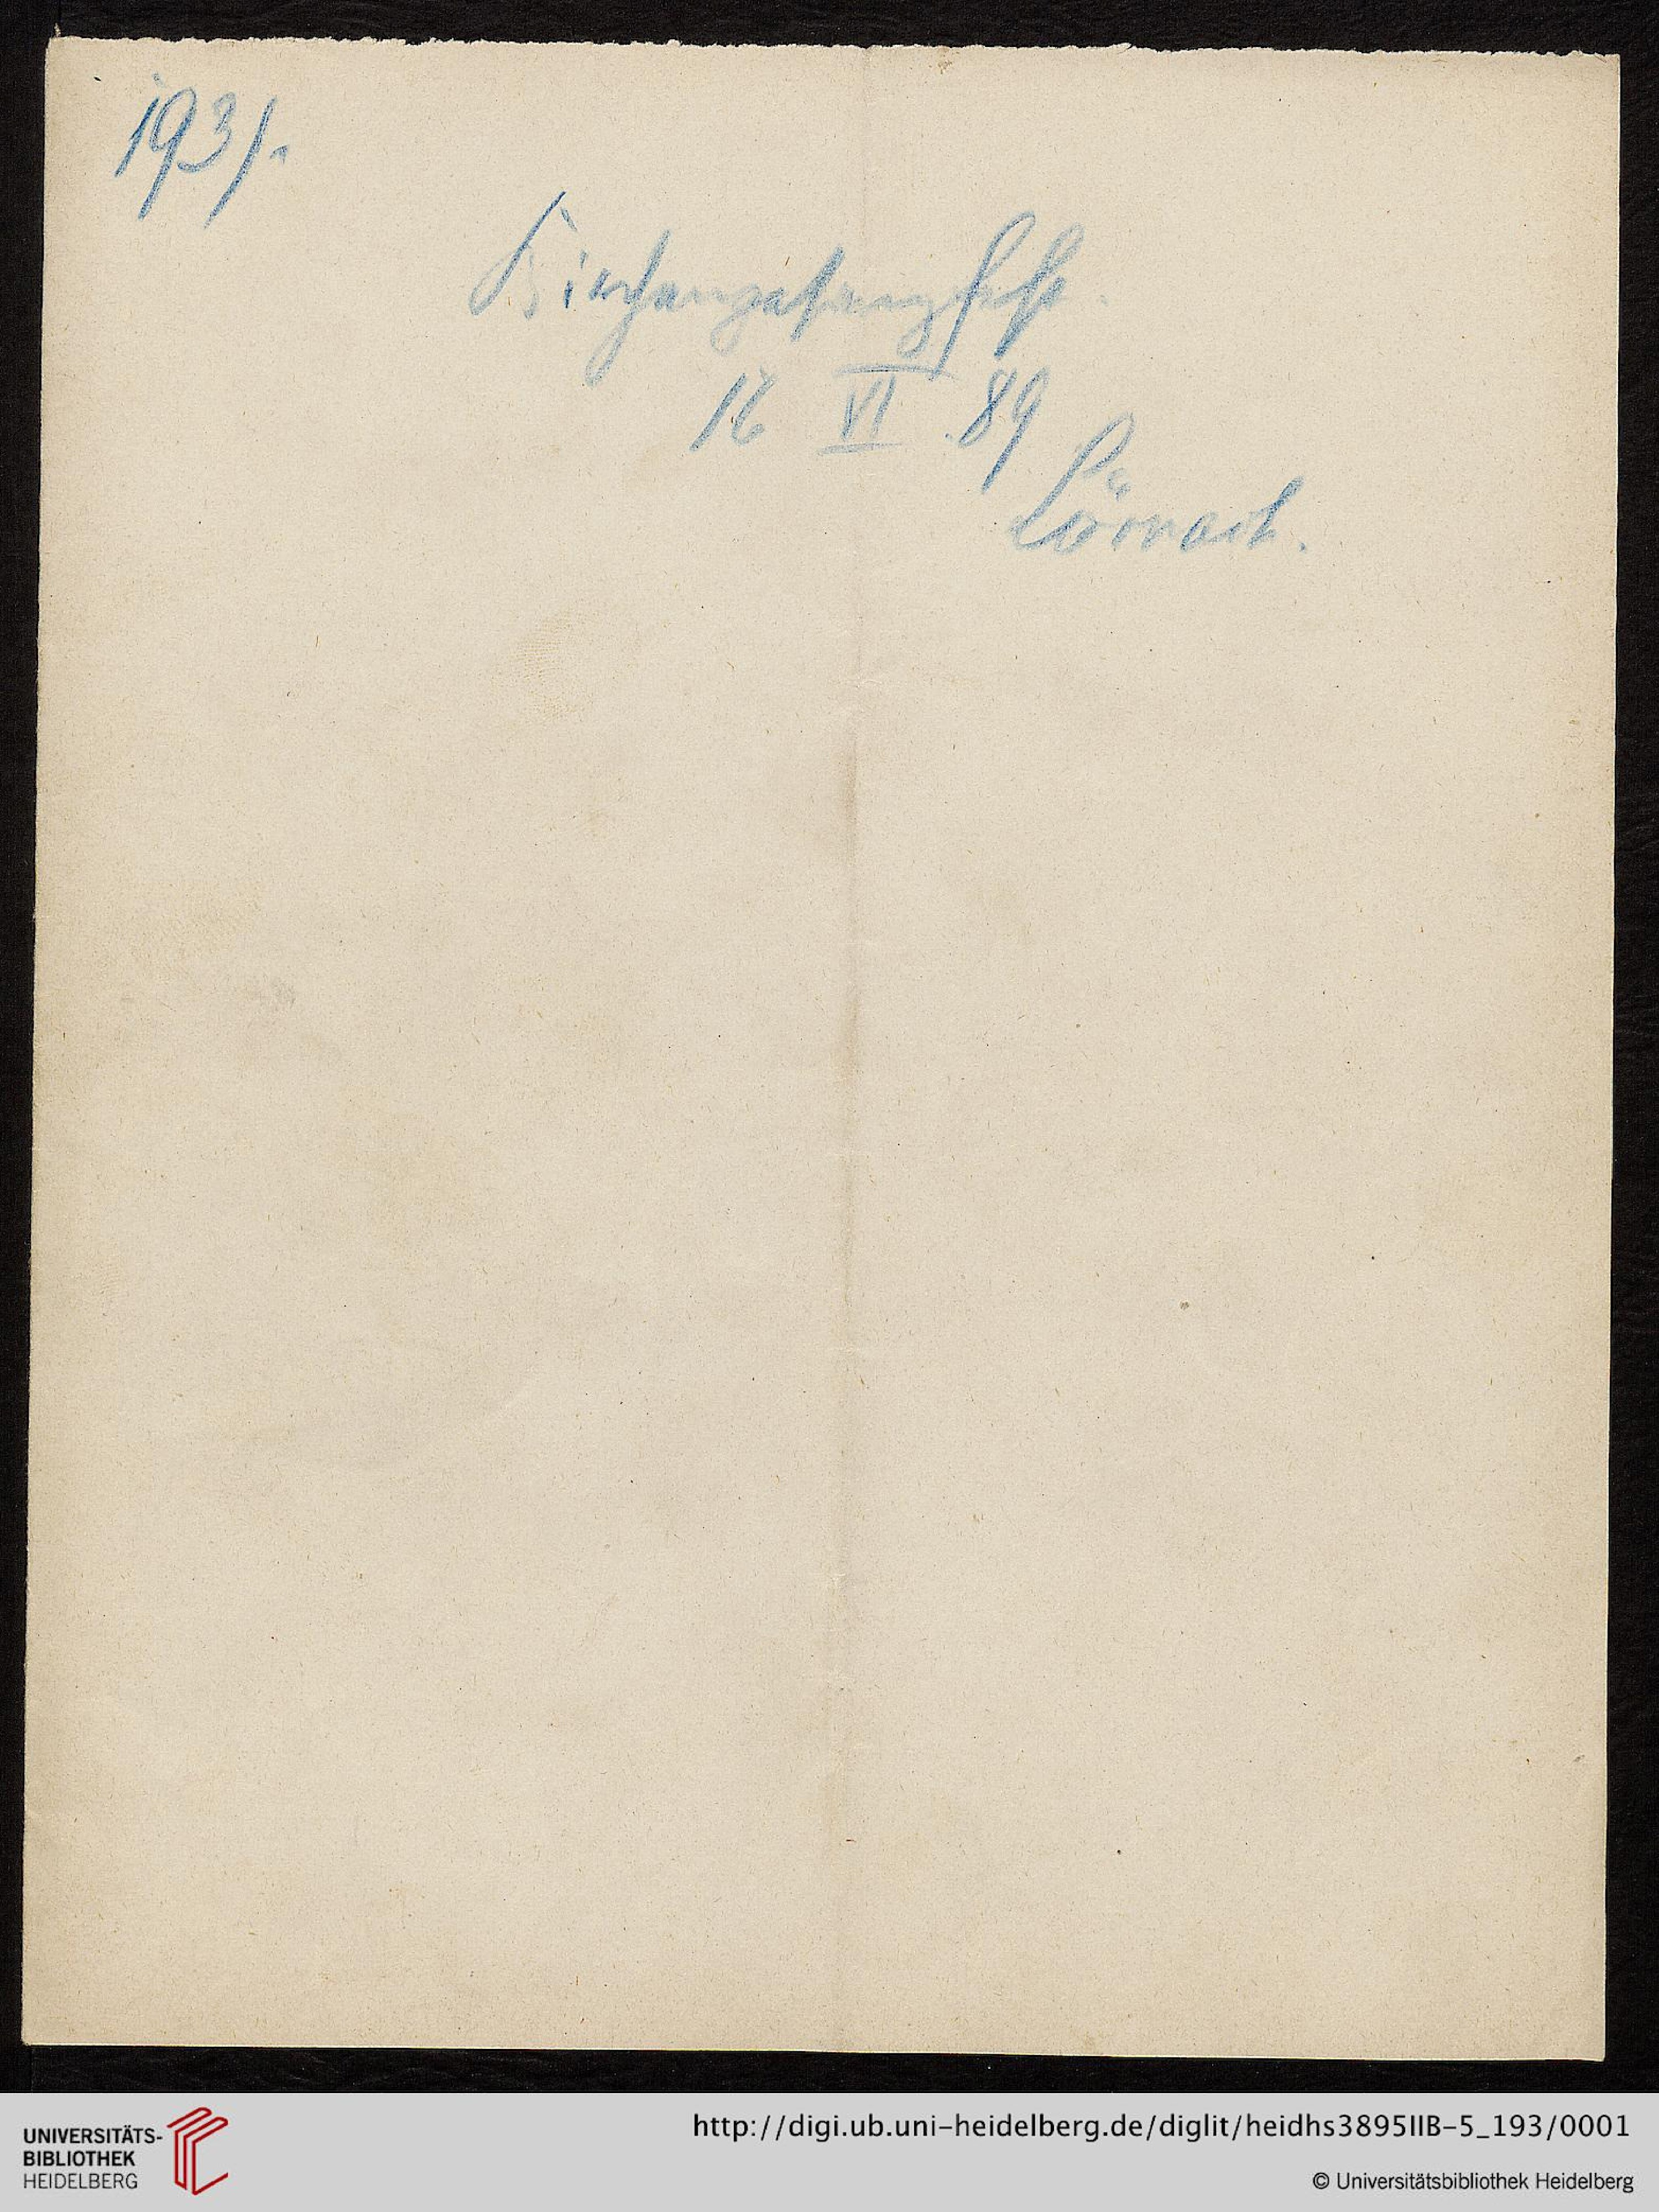193).
Kirchengesangfest
16. VI 89
Lörrach